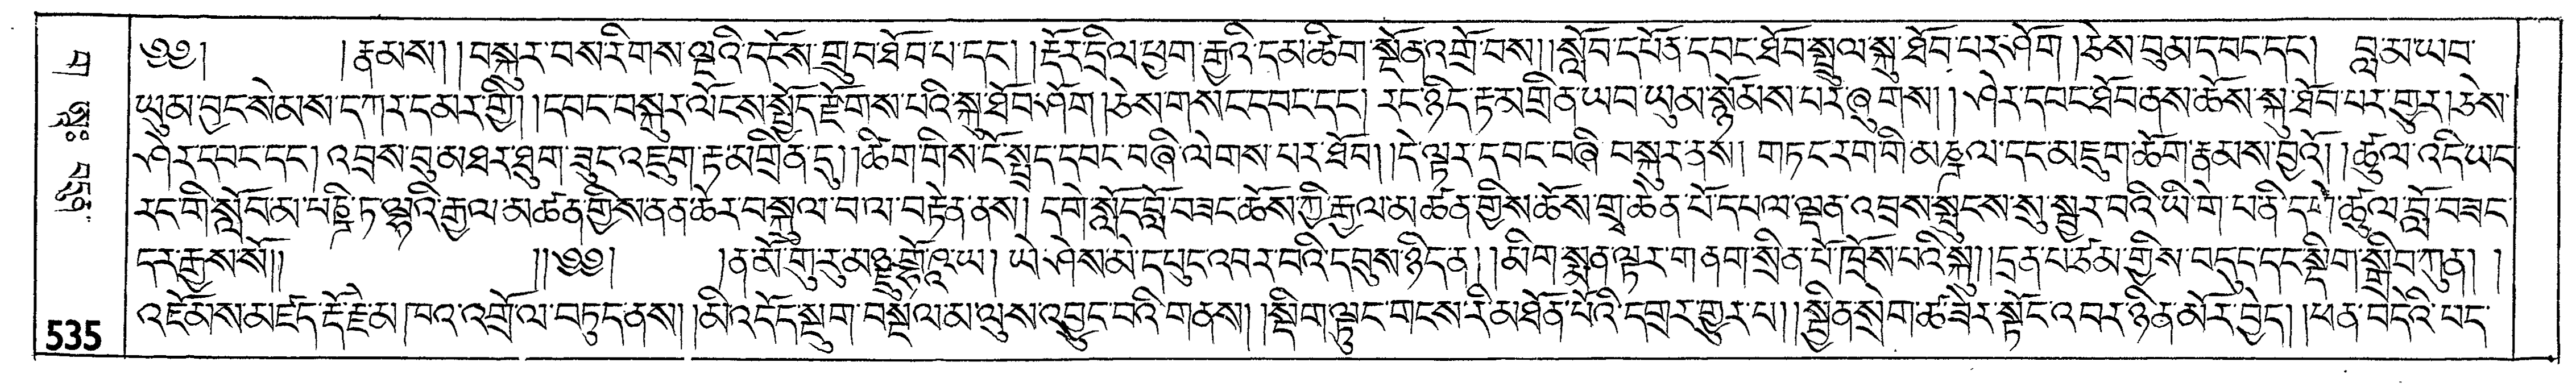༄༅། །རྣམས། །བསྐུར་བས་རིགས་ལྔའི་དངོས་གྲུབ་ཐོབ་པ་དང་། །རྡོར་དྲིལ་ཕྱག་རྒྱའི་དམ་ཚིག་སྔོན་འགྲོ་བས། །སློབ་དཔོན་དབང་ཐོབ་སྤྲུལ་སྐུ་ཐོབ་པར་ཤོག །ཅེས་བུམ་དབང་དང་། བླ་མ་ཡབ་
ཡུམ་བྱང་སེམས་དཀར་དམར་གྱི། །དབང་བསྐུར་ལོངས་སྤྱོད་རྫོགས་པའི་སྐུ་ཐོབ་ཤོག །ཅེས་གསང་དབང་དང་། རང་ཉིད་རྟ་མགྲིན་ཡབ་ཡུམ་སྙོམས་པར་ཞུགས། །ཤེར་དབང་ཐོབ་ནས་ཆོས་སྐུ་ཐོབ་པར་གྱུར། ཅེས་
ཤེར་དབང་དང་། འབྲས་བུ་མཐར་ཐུག་ཟུང་འཇུག་རྟ་མགྲིན་དུ། །ཚིག་གིས་ངོ་སྤྲད་དབང་བཞི་ལེགས་པར་ཐོབ། །དེ་ལྟར་དབང་བཞི་བསྐུར་ནས། གཏང་རག་གི་མཎྜལ་དང་མཇུག་ཆོག་རྣམས་བྱའོ། །ཚུལ་འདི་ཡང་
རང་གི་སློབ་མ་པཎྜི་ཏ་ལྷའི་རྒྱལ་མཚན་གྱིས་ནན་ཆེར་བསྐུལ་བ་ལ་བརྟེན་ནས། དགེ་སློང་བློ་བཟང་ཆོས་ཀྱི་རྒྱལ་མཚན་གྱིས་ཆོས་གྲྭ་ཆེན་པོ་དཔལ་ལྡན་འབྲས་སྤུངས་སུ་སྦྱར་བའི་ཡི་གེ་པ་ནི་དགེ་ཚུལ་བློ་བཟང་
དར་རྒྱས་སོ།། །།༄༅། །ན་མོ་གུ་རུ་མཉྫུ་གྷོ་ཥཱ་ཡ། ཡེ་ཤེས་མེ་དཔུང་འབར་བའི་དབུས་ཉིད་ན། །མིག་སྨན་ལྟར་གནག་སྲིན་པོ་ཁྲོས་པའི་སྐུ། །དྲན་པ་ཙམ་གྱིས་བདུད་དང་སྡིག་སྒྲིབ་ཀུན། །
འཇོམས་མཛད་རྡོ་རྗེ་མཁའ་འགྲོ་ལ་བཏུད་ནས། །མི་འདོད་སྡུག་བསྔལ་མ་ལུས་འབྱུང་བའི་གནས། །སྡིག་ལྟུང་གངས་རི་མཐོན་པོའི་དགྲར་གྱུར་པ། །སྦྱིན་སྲེག་ཚ་ཟེར་སྟོང་འབར་ཉིན་མོར་བྱེད། །ཕན་བདེའི་པད་